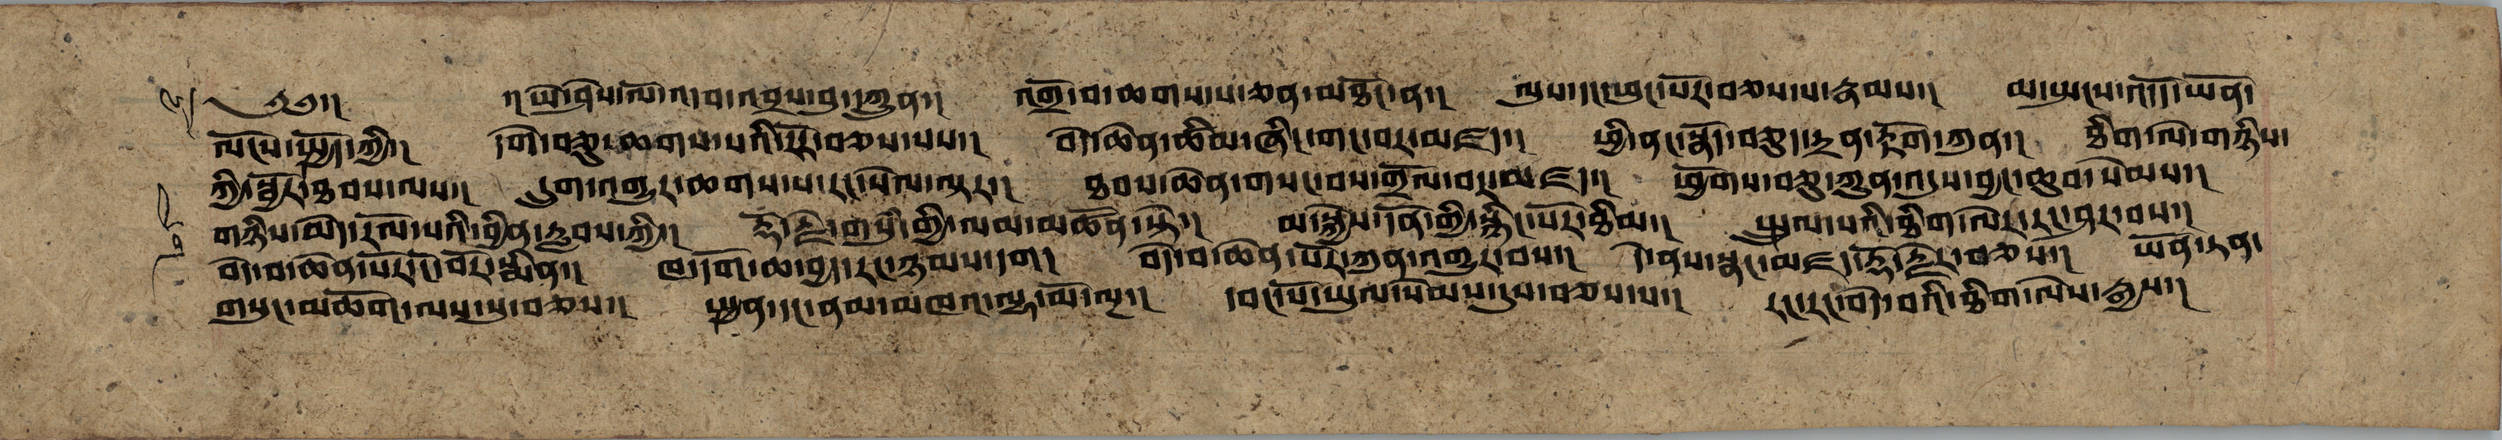༄༅་། ་།ཡེ་ཤཻས་ལོ་འདབ་འབྲས་བུ་དཀྲུན་། འགྲོ་བ་ཆགས་པ་ཅན་མཐོང་ན་། ལུས་དང་ཕུང་པོར་བཅས་པ་རྣམས་། མ་སྤངས་འདོད་ཡོན་
ལོངས་སྤྱོད་ཀྱི་། དགེ་བཅུ་ཆགས་པའི་རོར་བཅས་པས་། བདེ་ཆེན་ཚིམ་ཞིང་གང་བར་མཛད་། ཕྱི་ནང་སྣོད་བཅུད་དྲན་རྟོག་ཀུན་། ཐིག་ལེ་གཉིས་
ཀྱི་སྦྱོར་ཐབས་ལས་། དྲུག་འགྱུར་ཆགས་པ་རང་སེལ་ལྟར་། ཐབས་ཆེན་གསང་བས་གྲོལ་བར་མཛད་། ཕྱོགས་བཅུ་ཀུན་འདུས་བྱང་ཆུབ་སེམས་།
གཉིས་མེད་རོལ་པའི་བྱིན་རླབས་ཀྱི་། རྡོ་རྗེ་གསུམ་གྱི་ལམ་མཚོན་སྟེ་། མ་སྐྱེས་དོན་གྱི་སྙིང་པོར་ཐིམ་། སྤྲུལ་པའི་ཐིག་ལེར་རང་ཤར་བས་།
བདེ་བ་ཆེན་པོར་ངོ་བོར་སྨིན་། ཁ་དོག་ཆ་བྱད་རང་ཉམས་དག། བདེ་བ་ཆེན་པོར་ཀུན་འགྱུར་བས་། དེ་ནས་སྣང་མཛད་རྡོ་རྗེར་བཅས་། ཡོན་ཏན་
གསུང་མཆོག་ལས་སུ་བཅས་། སྤྱན་དང་ནམ་མཁའ་ལྷ་མོ་ལྔ་། དབང་པོ་ཡུལ་སེམས་དུས་བཅས་པ་། རང་རང་བདེ་བའི་ཐིག་ལེས་རྒྱས་།